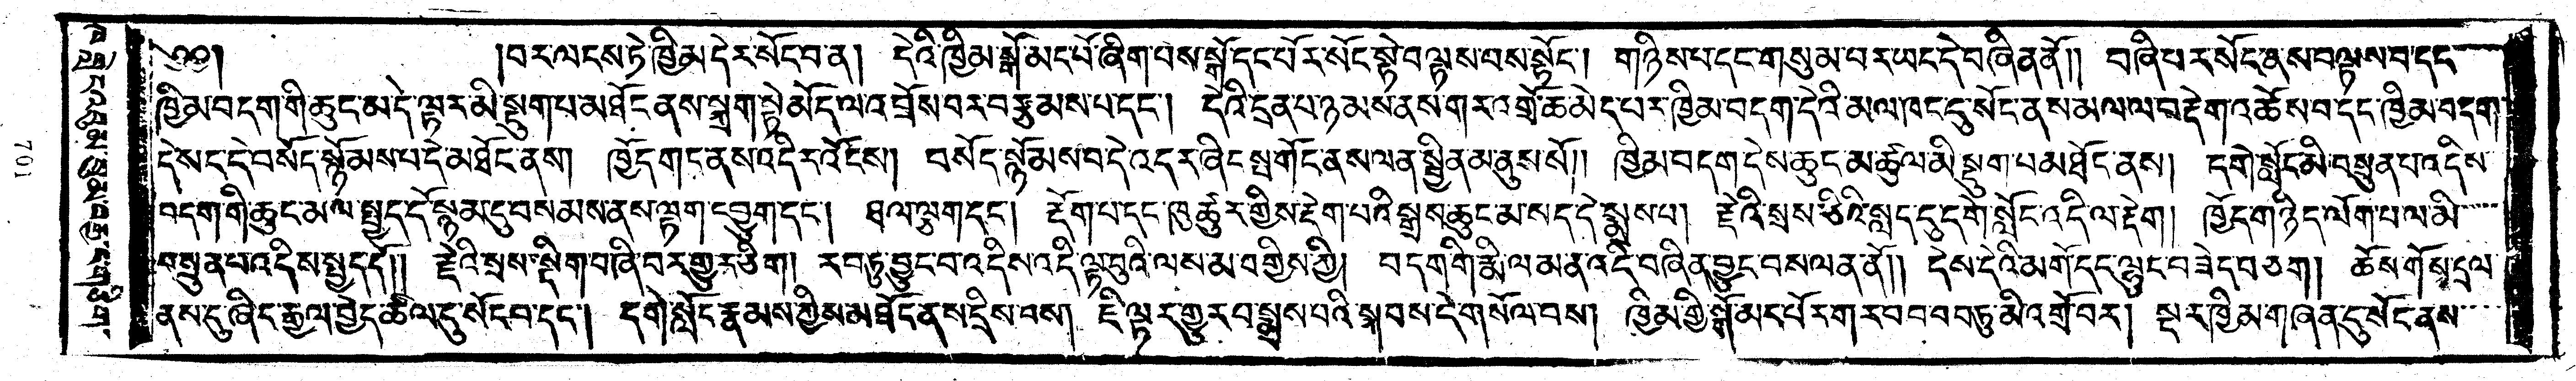༄༅། །བར་ལངས་ཏེ་ཁྱིམ་དེར་སོང་བ་ན། དེའི་ཁྱིམ་སྒོ་མང་པོ་ཞིག་པས་སྒོ་དང་པོར་སོང་སྟེ་བལྟས་པས་སྟོང་། གཉིས་པ་དང་གསུམ་པར་ཡང་དེ་བཞིན་ནོ།། བཞི་པར་སོང་ནས་བལྟས་བ་དང་
ཁྱིམ་བདག་གི་ཆུང་མ་དེ་ལྟར་མི་སྡུག་པ་མཐོང་ནས་སྐྲག་སྟེ་མོད་ལ་འབྲོས་བར་བརྩམས་པ་དང་། དེའི་དྲན་པ་ཉམས་ནས་གར་འགྲོ་ཆ་མེད་པར་ཁྱིམ་བདག་དེའི་མལ་ཁང་དུ་སོང་ནས་མལ་ལ་བརྡེག་འཆོས་བ་དང་ཁྱིམ་བདག་
དེ་སང་དེ་བསོད་སྙོམས་པ་དེ་མཐོང་ནས། ཁྱོད་གང་ནས་འདིར་འོངས། བསོད་སྙོམས་བ་དེ་འདར་ཞིང་སྤ་གོང་ནས་ལན་སྦྱིན་མ་ནུས་སོ།། ཁྱིམ་བདག་དེས་ཆུང་མ་ཚུལ་མི་སྡུག་པ་མཐོང་ནས། དགེ་སློང་མི་བསྲུན་པ་འདིས་
བདག་གི་ཆུང་མ་ལ་སྤྱད་དོ་སྙམ་དུ་བསམས་ནས་ལྟག་དབྱུག་དང་། ཐལ་ལྕག་དང་། རྡོག་པ་དང་ཁུ་ཚུར་གྱིས་རྡེག་པའི་སྒྲས་ཆུང་མ་སད་དེ་སྨྲས་པ། རྗེའི་སྲས་ཅིའི་སླད་དུ་དགེ་སློང་འདི་ལ་རྡེག། ཁྱོད་གཉིད་ལོག་པ་ལ་མི་
བསྲུན་པ་འདིས་སྤྱད་དོ།། རྗེའི་སྲས་སྡིག་བ་ཞི་བར་གྱུར་ཅིག། རབ་ཏུ་བྱུང་བ་འདིས་འདི་ལྟ་བུའི་ལས་མ་བགྱིས་ཀྱི། བདག་གི་རྨི་ལམ་ན་འདི་བཞིན་བྱུང་བས་ལན་ནོ།། དེས་དེའི་མགོ་དང་ལྷུང་བཟེད་བཅག། ཆོས་གོས་དྲལ་
ནས་དུ་ཞིང་རྒྱལ་བྱེད་ཚལ་དུ་སོང་བ་དང་། དགེ་སློང་རྣམས་ཀྱིས་མཐོང་ནས་དྲིས་བས། ཇི་ལྟར་གྱུར་བ་སྨྲས་པའི་སྐབས་དེ་གསོལ་བས། ཁྱིམ་གྱི་སྒོ་མང་པོར་གར་བབ་བ་བཏུ་མི་འགྲོ་བར། སྔར་ཁྱིམ་གཞན་དུ་སོང་ནས་